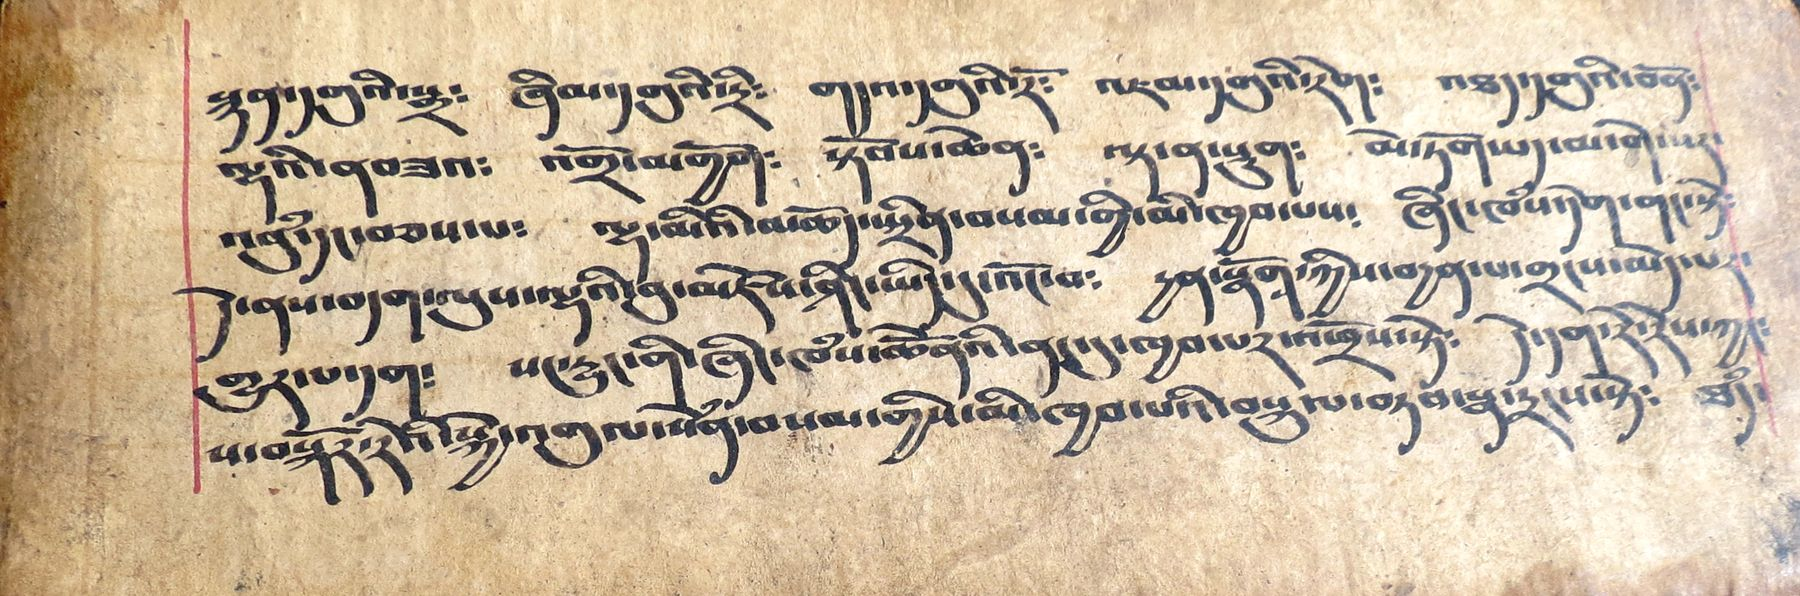སྙན་དགུའི་སྒྲ། ཞིམ་དགུའི་དྲི། བདའ་དགུའི་རོ། འཇམ་དགུའི་རེག འཐད་དགུའི་བོན། 
ལྷའི་ན་བཟའ། འགྲོ་མགྱོགས། སྟོབས་ཆེན། ལྟ་ན་སྡུག མེ་ཏོག་པདྨ་སྟོང་གེ་སར་
འབུམ་དང་བཅས་པ། ལྷ་མིའི་མཆོད་སྤྲིན་ལོངས་སྤྱོད་བསམ་གྱིས་མི་ཁྱབ་པས། ཞིང་ཁམས་དེ་དག་གང་སྟེ། 
དེ་ནས་བདག་ལུས་ལྷའི་བུ་མཛེས་ཤིང་ཡིད་དུ་འོང་བ། རྒྱན་སྣ་ཚོགས་ཀྱིས་བརྒྱན་པ་གྲངས་མེད་པར་
གྱུར་པ་དེ་དག སང་༼ཚང་༽རྒྱུང་གི་ཞིང་ཁམས་ཆེན་པོ་དེའི་ནང་དུ་ཁྱབ་པར་འཕྲོས་ཏེ། དེ་དག་རེ་རེས་ཀྱང་
ས་སྐོར་རེའི་སྐྱེ་འགུལ་སེམས་ཅན་བསམ་གྱིས་མི་ཁྱབ་པའི་བསྐུལ་བཏབ་སྣ་དྲངས་ཏེ། ཐམས་ཅད་